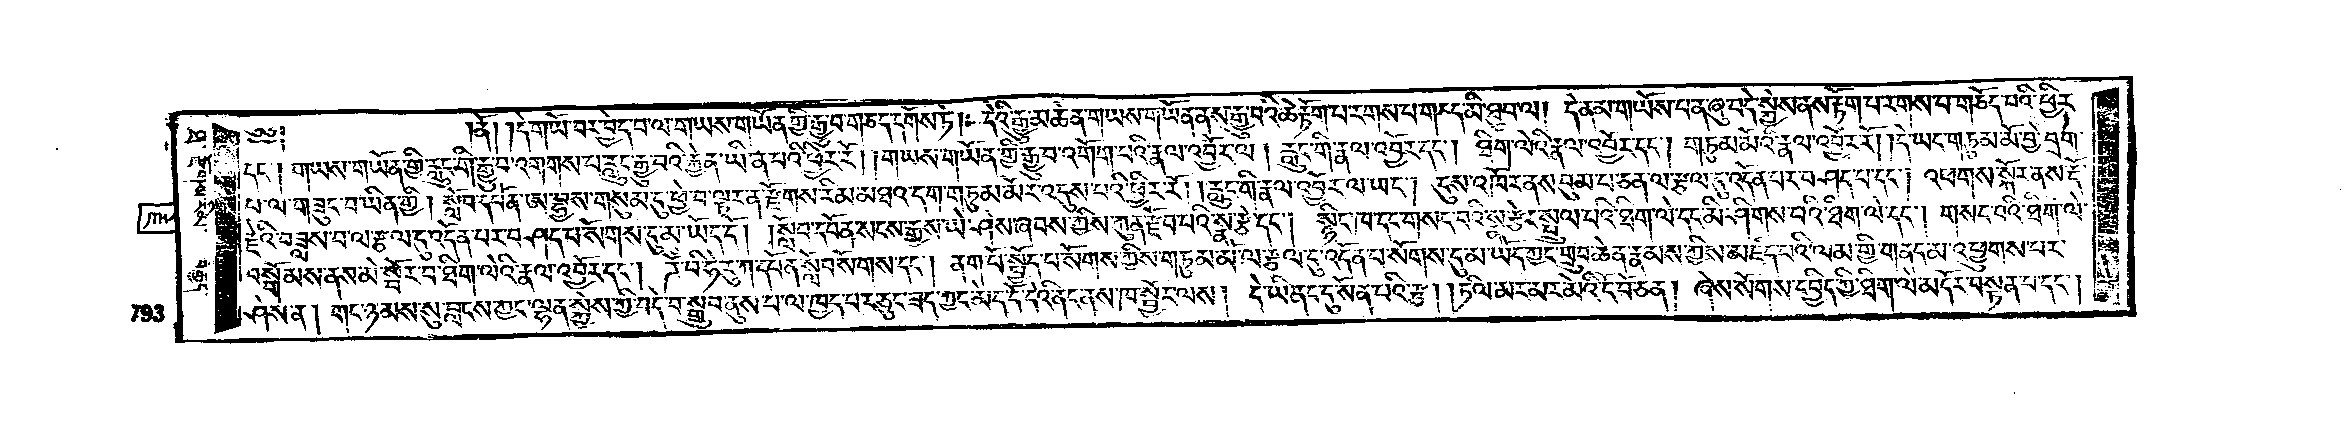༄༅། །ནོ། །དེ་གཡོ་བར་བྱེད་པ་ལ་གཡས་གཡོན་གྱི་རྒྱུ་བ་གཅད་དགོས་ཏེ། དེའི་རྒྱུ་མཚན་གཡས་གཡོན་ནས་རྒྱུ་བའི་ཆེ་རྟོག་པ་རགས་པ་གཅད་མི་ཐུབ་ལ། དེ་ནམ་གཡོས་པ་ན་ཞུ་བདེ་སྐྱེས་ནས་རྟོག་པ་རགས་པ་གཅོད་པའི་ཕྱིར་
དང་། གཡས་གཡོན་གྱི་རླུང་གི་རྒྱུ་བ་འགགས་པ་རླུང་རྒྱུ་བའི་རྐྱེན་ཡིན་པའི་ཕྱིར་རོ། །གཡས་གཡོན་གྱི་རྒྱུ་བ་འགོག་པའི་རྣལ་འབྱོར་ལ། རླུང་གི་རྣལ་འབྱོར་དང་། ཐིག་ལེའི་རྣལ་འབྱོར་དང་། གཏུམ་མོའི་རྣལ་འབྱོར་རོ། །དེ་ཡང་གཏུམ་མོ་བྱེ་བྲག་
པ་ལ་གཟུང་བ་ཡིན་གྱི། སློབ་དཔོན་ཨ་བྷྱས་གསུམ་དུ་ཕྱེ་བ་ལྟར་ན་རྫོགས་རིམ་མཐའ་དག་གཏུམ་མོར་འདུས་པའི་ཕྱིར་རོ། །རླུང་གི་རྣལ་འབྱོར་ལ་ཡང་། དུས་འཁོར་ནས་བུམ་པ་ཅན་ལ་རྩལ་དུ་འདོན་པར་བཤད་པ་དང་། འཕགས་སྐོར་ནས་རྡོ་
རྗེའི་བཟླས་བ་ལ་རྩལ་དུ་འདོན་པར་བཤད་པ་སོགས་དུ་མ་ཡོད་དོ། །སློབ་དཔོན་སངས་རྒྱས་ཡེ་ཤེས་ཞབས་ཀྱིས་ཀུན་རྫོབ་པའི་སྣ་རྩེ་དང་། སྙིང་ཁ་དང་གསང་བའི་སྣ་རྩེར་སྤྲུལ་པའི་ཐིག་ལེ་དང་མི་ཤིགས་པའི་ཐིག་ལེ་དང་། གསང་བའི་ཐིག་ལེ་
བསྒོམས་ནས་མེ་སྦོར་བ་ཐིག་ལེའི་རྣལ་འབྱོར་དང་། ཌོཾ་པི་ཧེ་རུ་ཀ་དཔོན་སློབ་སོགས་དང་། ནག་པོ་སྤྱོད་པ་སོགས་ཀྱིས་གཏུམ་མོ་ལ་རྩལ་དུ་འདོན་པ་སོགས་དུ་མ་ཡོད་ཀྱང་གྲུབ་ཆེན་རྣམས་ཀྱིས་མཛད་པའི་ལམ་གྱི་གནད་མ་འཕྱུགས་པར་
ཤེས་ན། གང་ཉམས་སུ་བླངས་ཀྱང་ལྷན་སྐྱེས་ཀྱི་བདེ་བ་སྒྲུབ་ནུས་པ་ལ་ཁྱད་པར་ཅུང་ཟད་ཀྱང་མེད་དོ་དེའི་ནང་ནས་ཁ་སྦྱོར་ལས། དེ་ཡི་ནང་དུ་སོན་པའི་རྩ། །ཏིལ་མར་མར་མེའི་ངོ་བོ་ཅན། ཞེས་སོགས་དཔྱིད་ཀྱི་ཐིག་ལེ་མདོར་བསྟན་པ་དང་།